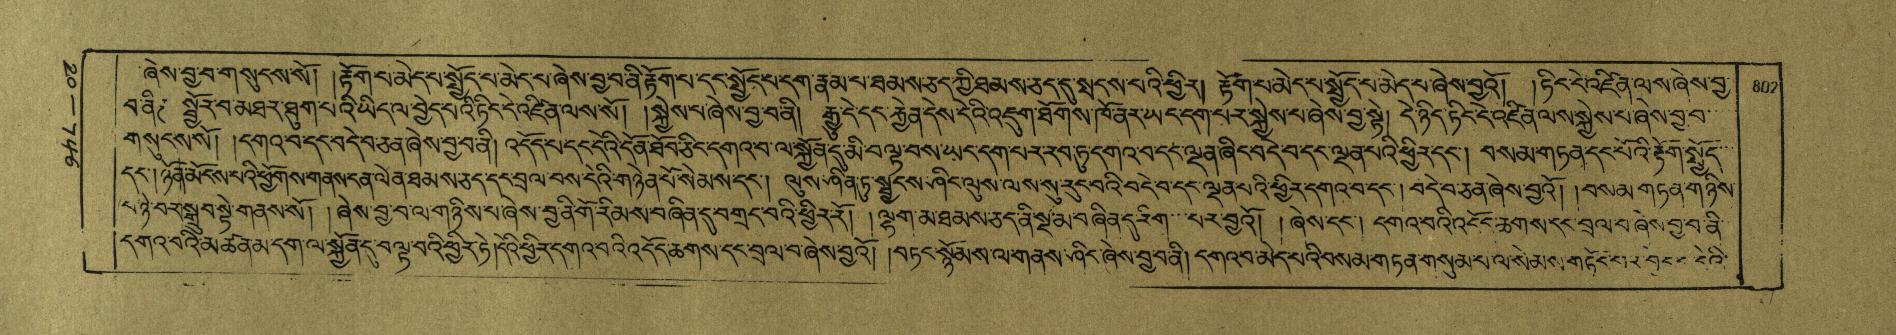ཞེས་བྱ་བ་གསུངས་སོ། །རྟོག་པ་མེད་པ་སྤྱོད་པ་མེད་པ་ཞེས་བྱ་བ་ནི་རྟོག་པ་དང་སྤྱོད་པ་དག་རྣམ་པ་ཐམས་ཅད་ཀྱི་ཐམས་ཅད་དུ་སྤངས་པའི་ཕྱིར། རྟོག་པ་མེད་པ་སྤྱོད་པ་མེད་པ་ཞེས་བྱའོ། །ཏིང་ངེ་འཛིན་ལས་ཞེས་བྱ་
བ་ནི༑ སྦྱོར་བ་མཐར་ཐུག་པའི་ཡིད་ལ་བྱེད་པའི་ཏིང་ངེ་འཛིན་ལས་སོ། །སྐྱེས་པ་ཞེས་བྱ་བ་ནི། རྒྱུད་དེ་དང་རྐྱེན་དེས་དེའི་འཇུག་ཐོགས་ཁོ་ནར་ཡང་དག་པར་སྐྱེས་པ་ཞེས་བྱ་སྟེ། དེ་ཉིད་ཏིང་ངེ་འཛིན་ལས་སྐྱེས་པ་ཞེས་བྱ་བ་
གསུངས་སོ། །དགའ་བ་དང་བདེ་བ་ཅན་ཞེས་བྱ་བ་ནི། འདོད་པ་དང་དེའི་དོན་ཐོབ་ཅིང་དགའ་བ་ལ་སྐྱོན་དུ་མི་བལྟ་བས་ཡང་དག་པར་རབ་ཏུ་དགའ་བ་དང་ལྡན་ཞིང་བདེ་བ་དང་ལྡན་པའི་ཕྱིར་དང་། བསམ་གཏན་དང་པོའི་རྟོག་སྤྱོད་
དང་། ཉོན་མོངས་པའི་ཕྱོགས་གནས་ངན་ལེན་ཐམས་ཅད་དང་བྲལ་བས་དེའི་གཉེན་པོ་སེམས་དང་། ལུས་ཤིན་ཏུ་སྦྱངས་ཤིང་ལུས་ལས་སུ་རུང་བའི་བདེ་བ་དང་ལྡན་པའི་ཕྱིར་དགའ་བ་དང་། བདེ་བ་ཅན་ཞེས་བྱའོ། །བསམ་གཏན་གཉིས་
པ་ཉེ་བར་སྒྲུབ་སྟེ་གནས་སོ། །ཞེས་བྱ་བ་ལ་གཉིས་པ་ཞེས་བྱ་ནི་གོ་རིམས་བཞིན་དུ་བགྲང་བའི་ཕྱིར་རོ། །ལྷག་མ་ཐམས་ཅད་ནི་སྔ་མ་བཞིན་དུ་རིག་པར་བྱའོ། །ཞེས་དང་། དགའ་བའི་འདོད་ཆགས་དང་བྲལ་བ་ཞེས་བྱ་བ་ནི་
དགའ་བའི་མཚན་མ་དག་ལ་སྐྱོན་དུ་བལྟ་བའི་ཕྱིར་ཏེ། དེའི་ཕྱིར་དགའ་བའི་འདོད་ཆགས་དང་བྲལ་བ་ཞེས་བྱའོ། །བཏང་སྙོམས་ལ་གནས་ཤིང་ཞེས་བྱ་བ་ནི། དགའ་བ་མེད་པའི་བསམ་གཏན་གསུམ་པ་ལ་སེམས་གཏོང་པར་བྱེད་པ་དེའི་